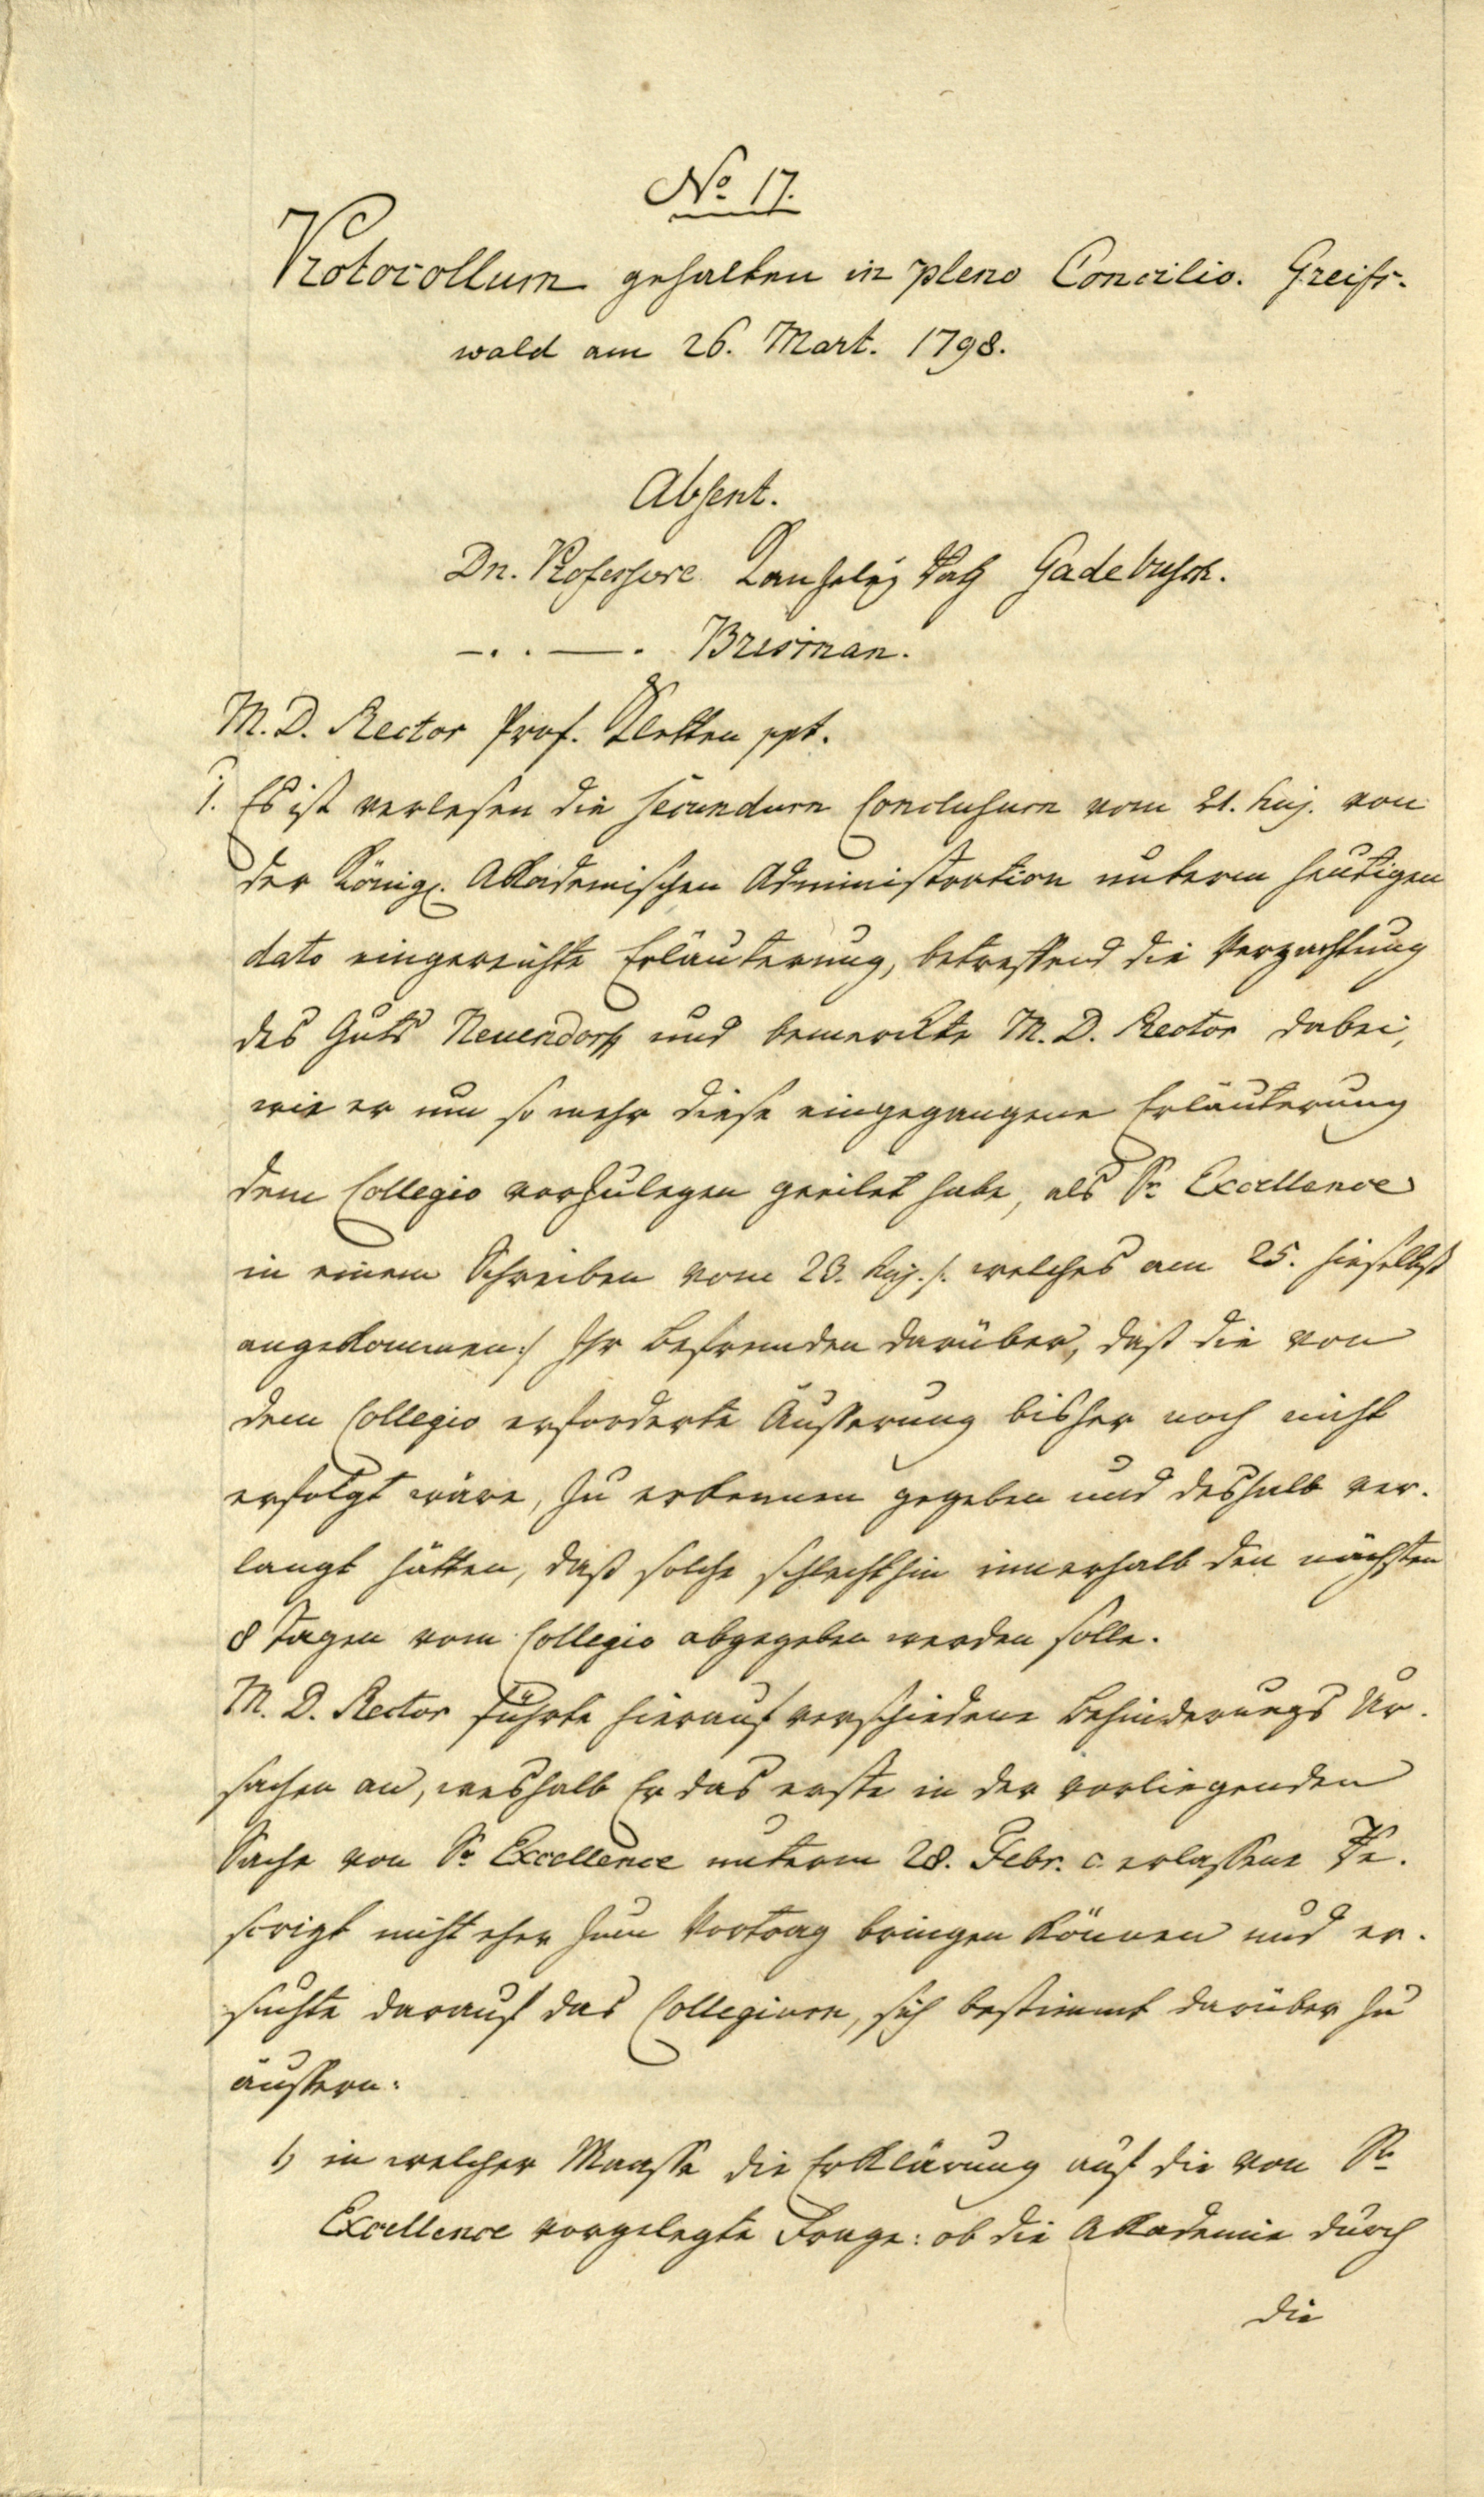No 17.
Protocollum gehalten in pleno Concilio. Greifs¬
wald am 26. Mart. 1798.
Absent.
den. Professore Kanzeleÿ Rath Gadebusch.
Brisman.
M. D. Rector Prof. Kletten ppt.
1. Es ist verlesen die secundum Conclusum vom 21. huj. von
er Königl. Akademischen Administration unterm heutigen
dato eingereichte Erläuterung, betreffend die Verpachtung
des Guts Neuendorff und bemerckte M. D. Rector dabei,
wie er um so mehr diese eingegangene Erläuterung
dem Collegio vorzulegen geeilet habe, als Sr Excellence
in einem Schreiben von 23. huj./: welches am 25. hieselbst
angekommen :/ Ihr Befremden darüber, daß die von
dem Collegio erforderte Äusserung bisher noch nicht
erfolgt wäre, zu erkennen gegeben und deshalb ver¬
langt hätten, daß solche schlechthin innerhalb den nächsten
8 Tagen vom Collegio abgegeben werden solle.
M. D. Rector führte hierauf verschiedene Behinderungs Ur¬
sachen an, weshalb Er das erste in der vorliegenden
Sache von Sr Excellence unterm 28. Febr. c. erlassene Re¬
script nicht eher zum Vortrag bringen können und er¬
suchte darauf das Collegium, sich bestimmt darüber zu
äussern:
1, in welcher Maasse die Erklärung auf die von Sr
Excellence vorgelegte Frage: ob die Akademie durch
die